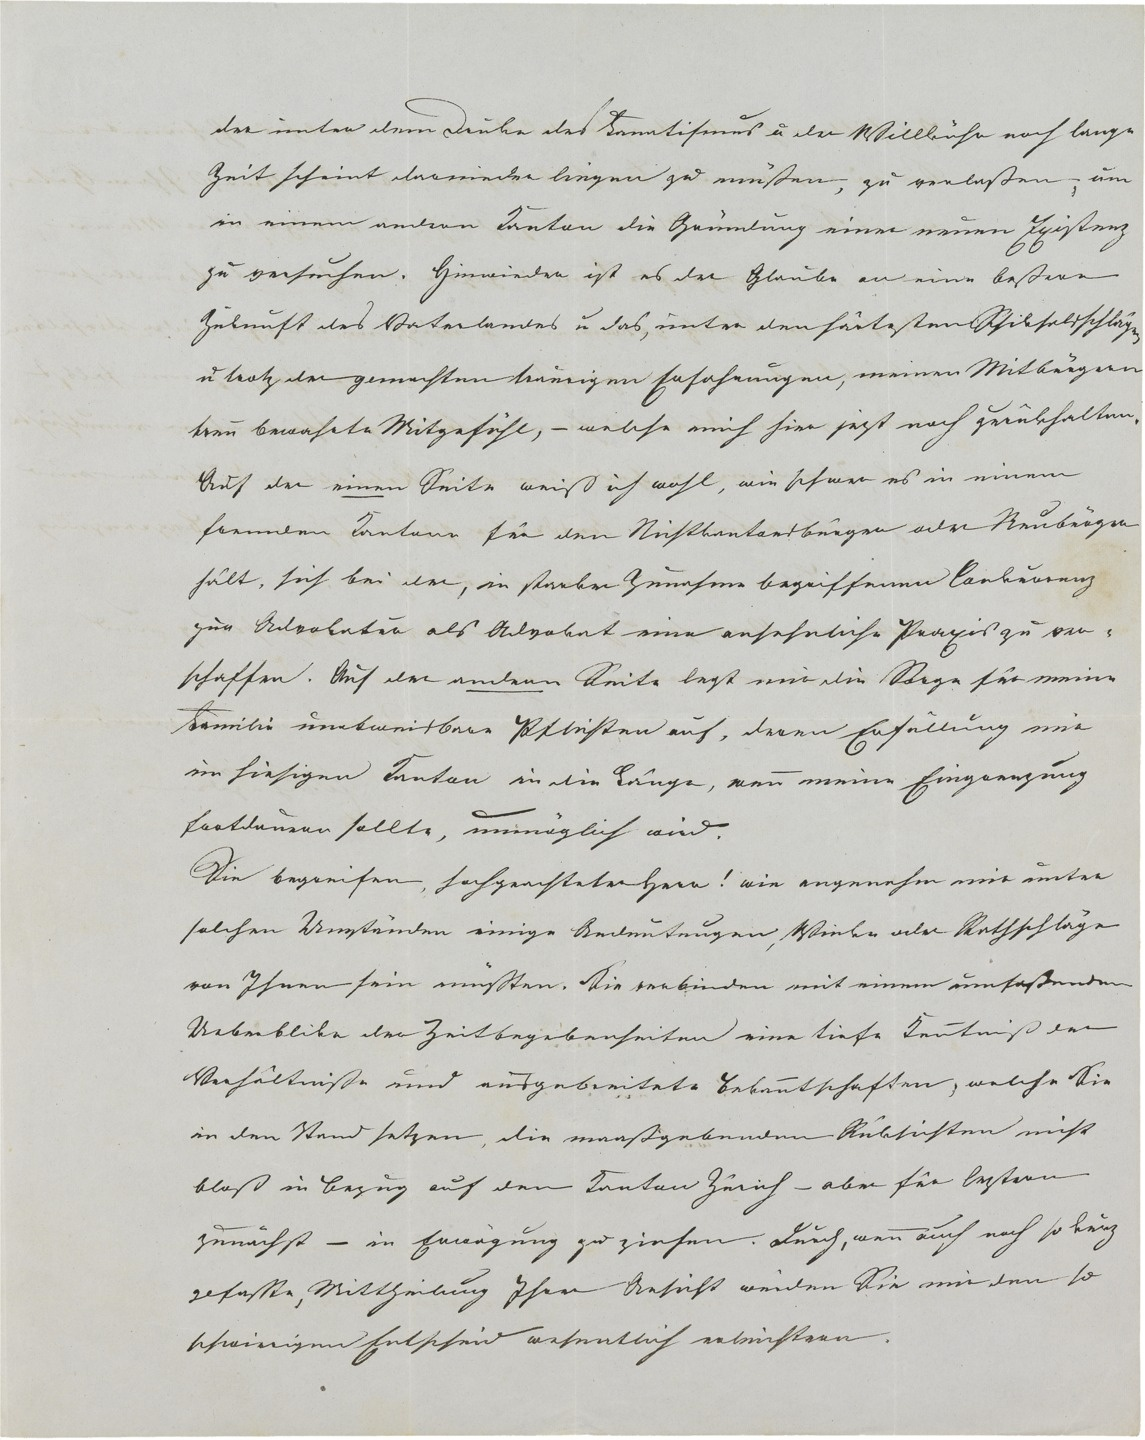der unter dem Druke des Fanatismus u der Willkühr noch lange
Zeit scheint darnieder liegen zu müßen, zu verlaßen, um
in einem andern Kanton die Gründung einer neuen Existenz
zu versuchen. Hinwieder ist es der Glaube an eine beßere
Zukunft des Vaterlandes u das, unter den härtesten Schiksalsschlägen
u trotz der gemachten traurigen Erfahrungen, meinen Mitbürgern
treu bewahrte Mitgefühl, – welche mich hier jezt noch zurükhalten.
Auf der einen Seite weiß ich wohl, wie schwer es in einem
fremden Kantone für die Nichtkantonsbürger oder Neubürger
hält, sich bei der, in starker Zunahme begriffenen Conkurrenz
zur Advokatur als Advokat eine ansehnliche Praxis zu ver-
schaffen. Auf der andern Seite legt mir die Sorge für meine
Familie unabweisbare Pflichten auf, deren Erfüllung mir
im hiesigen Kanton in die Länge, wenn meine Eingrenzung
fortdauern sollte, unmöglich wird.
Sie begreifen, hochgeachteter Herr! wie angenehm mir unter
solchen Umständen einige Andeutungen, Winke oder Rathschläge
von Ihnen sein müßten. Sie verbinden mit einem umfaßenden
Ueberblike der Zeitbegebenheiten eine tiefe Kenntniß der
Verhältniße und ausgebreitete Bekanntschaften, welche Sie
in den Stand setzen, die maaßgebenden Rüksichten nicht
bloß in Bezug auf den Kanton Zürich – aber für leztern
zunächst – in Erwägung zu ziehen. Durch, wenn auch noch so kurz
gefaßte, Mittheilung Ihrer Ansicht würden Sie mir den so
schwierigen Entscheid wesentlich erleichtern.